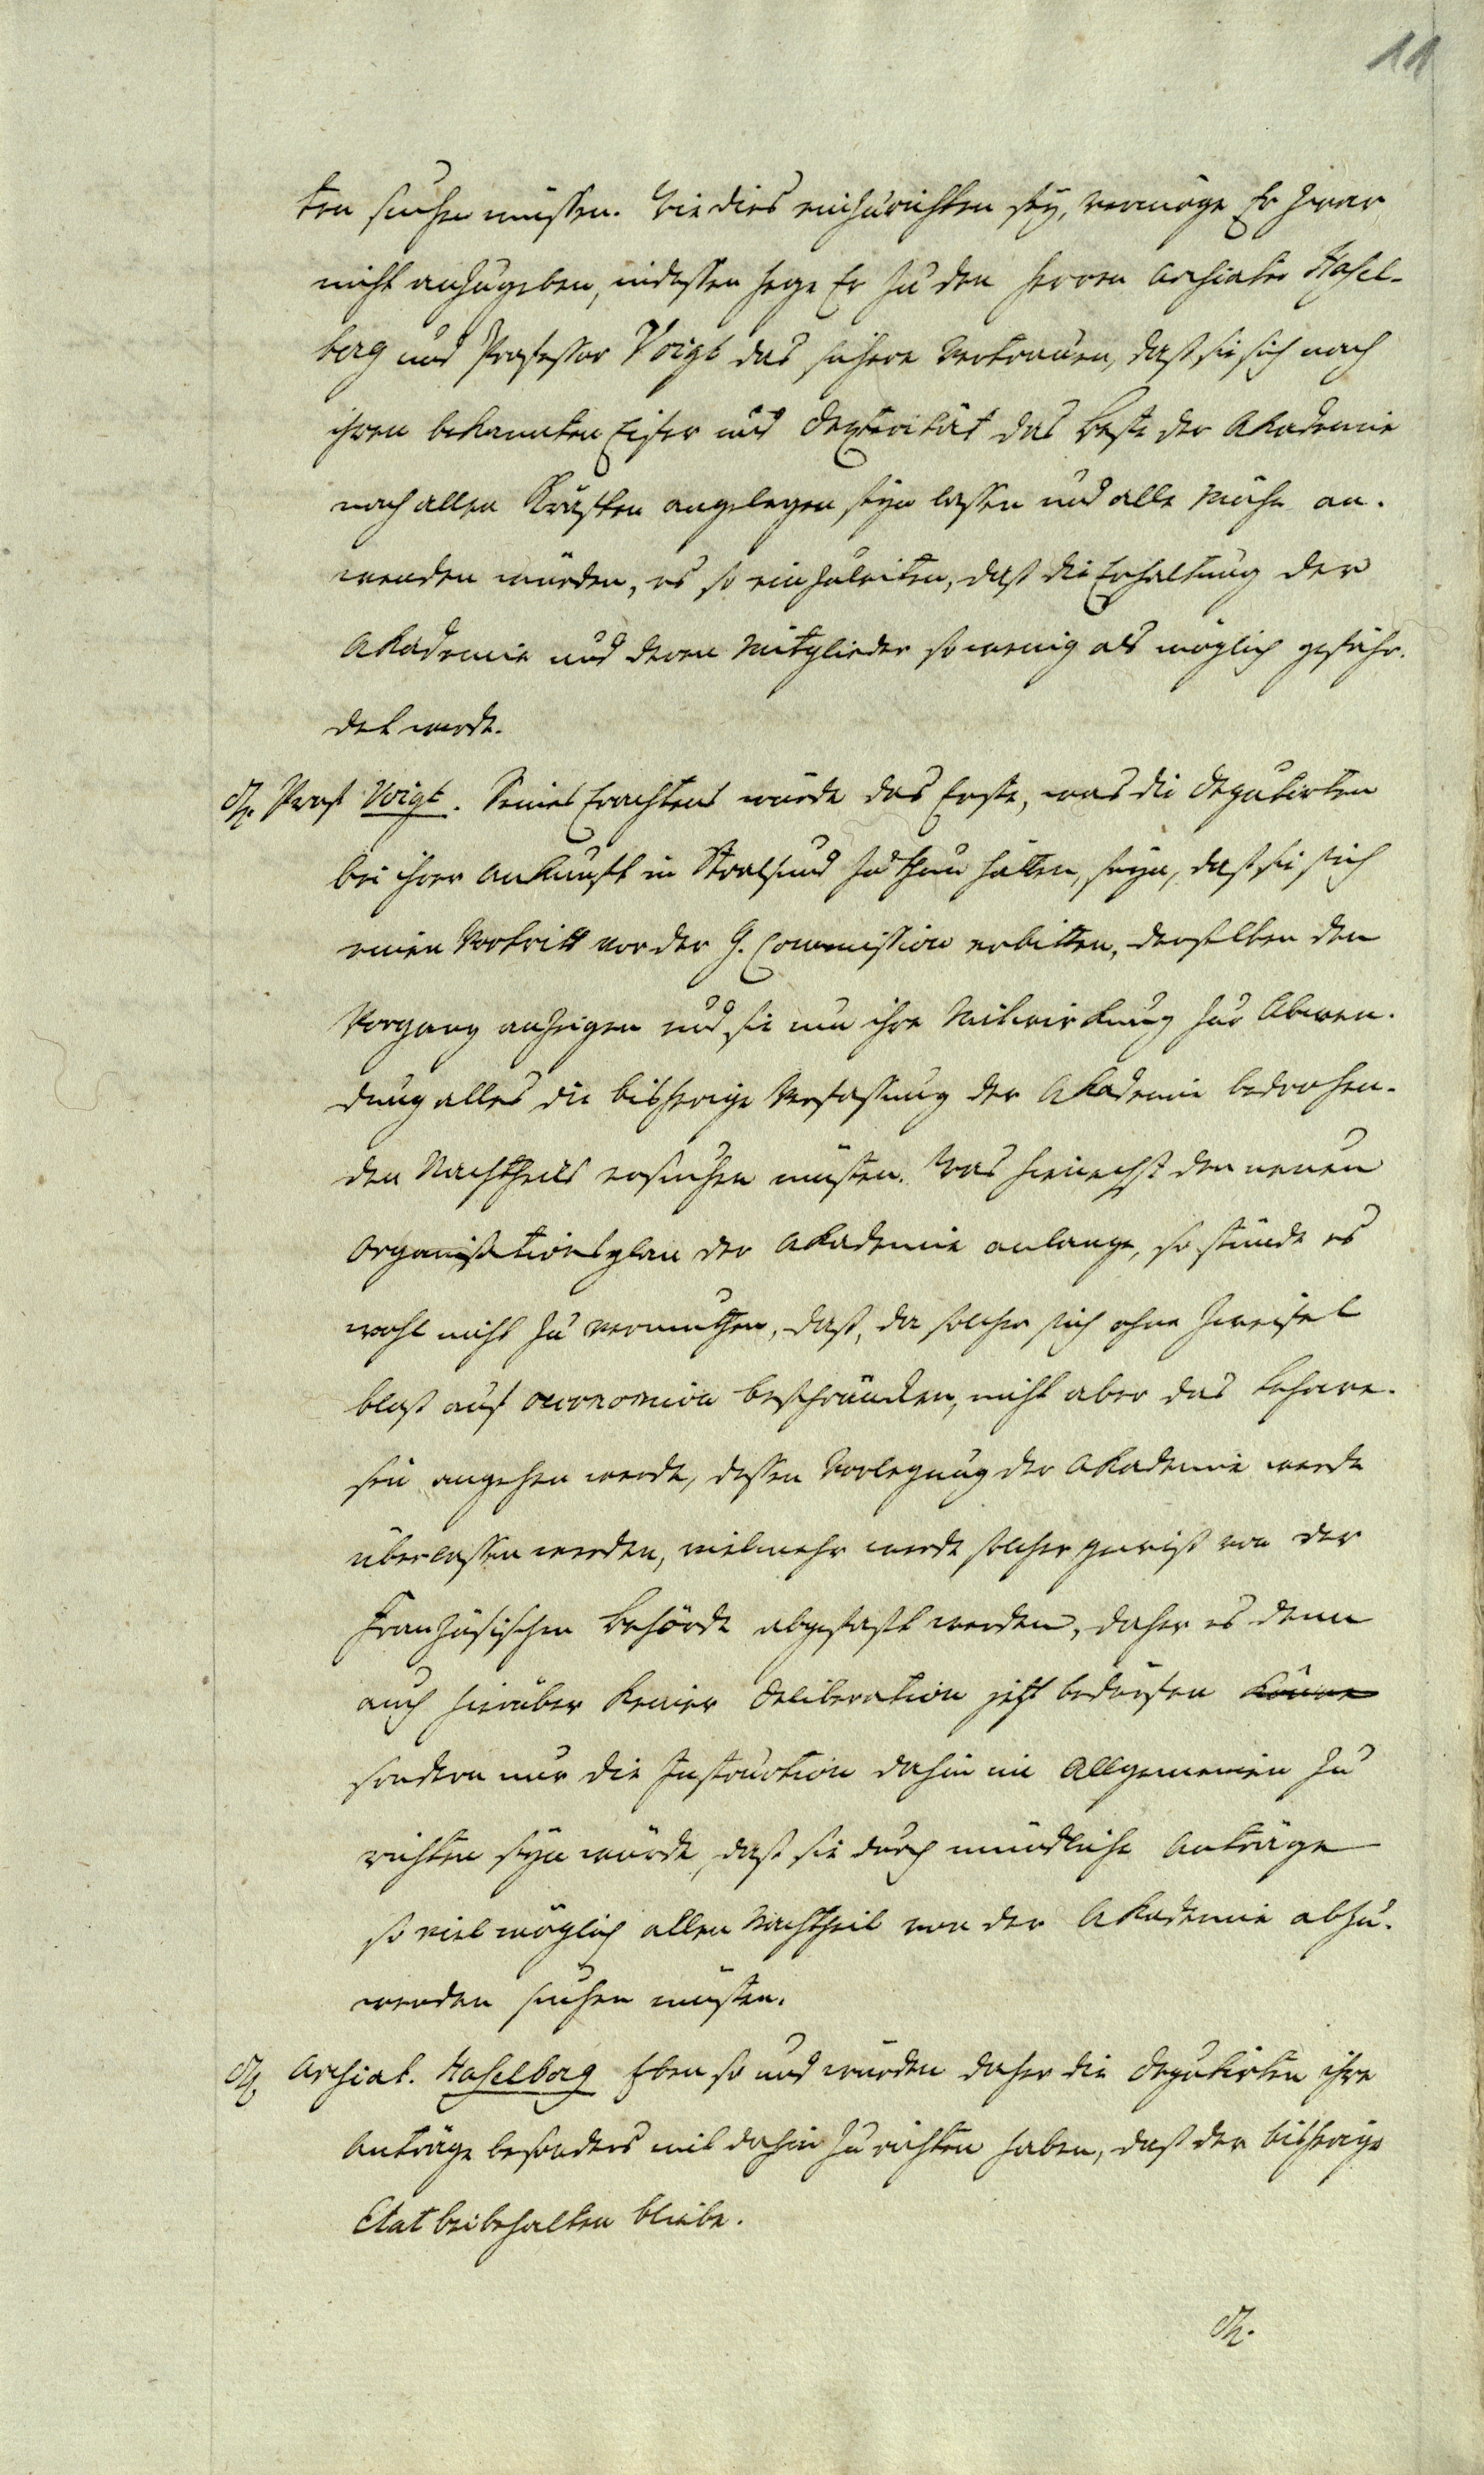ten suchen müssen. Wie dies einzurichten seÿ, vermöge Er zwar
nicht anzugeben, indessen hege Er zu den Herren Archiater Hasel¬
berg und Professor Voigt das sichere Vertrauen, daß sisich nach
ihren bekannten Eifer und Dexterität das Beste der Akademie
nach allen Kräften angelegen seÿn lassen und alle Mühe an¬
wenden würden, es so einzuleiten, daß die Erhaltung der
Akademie und deren Mitglieder so wenig als möglich gefähr¬
det werde.
dh. Prof. Voigt. Seines Erachtens würde das Erste, was die Deputirten
bei ihrer Ankunft in Stralsund zu thun hätten, seÿn, daß sie sich
einen Vortritt vor der G. Commission erbitten, derselben den
Vorgang anzeigen und sie um ihre Mitwirkung zur Abwen¬
dung alles die bisherige Verfassung der Akademie bedrohen¬
den Nachtheils ersuchen müsten. Was hienechst den neuen
Organisationsplan der Akademie anlange, so stünde es
wohl nicht zu vermuthen, daß, da solcher sich ohne Zweifel
bloß auf oeconomica beschränken, nicht aber das Lehrwe¬
sen angehen werde, dessen Vorlegung der Akademie werde
überlassen werden, vielmehr werde solcher gewiß von der
Französischen Behörde abgefaßt werden, daher es denn
auch hierüber keiner Deliberation jetzt bedürfen könne
sondern nur die Instruction dahin im Allgemeinen zu
richten seÿn würde, daß sie durch mündliche Anträge
so viel möglich allen Nachtheil von der Akademie abzu¬
wenden suchen müsten.
dh. Archiat. Haselberg Ebenso und würden daher die Deputirten ihre
Anträge besonders mit dahin zu richten haben, daß der bisherige
Etat beibehalten bliebe.
dh